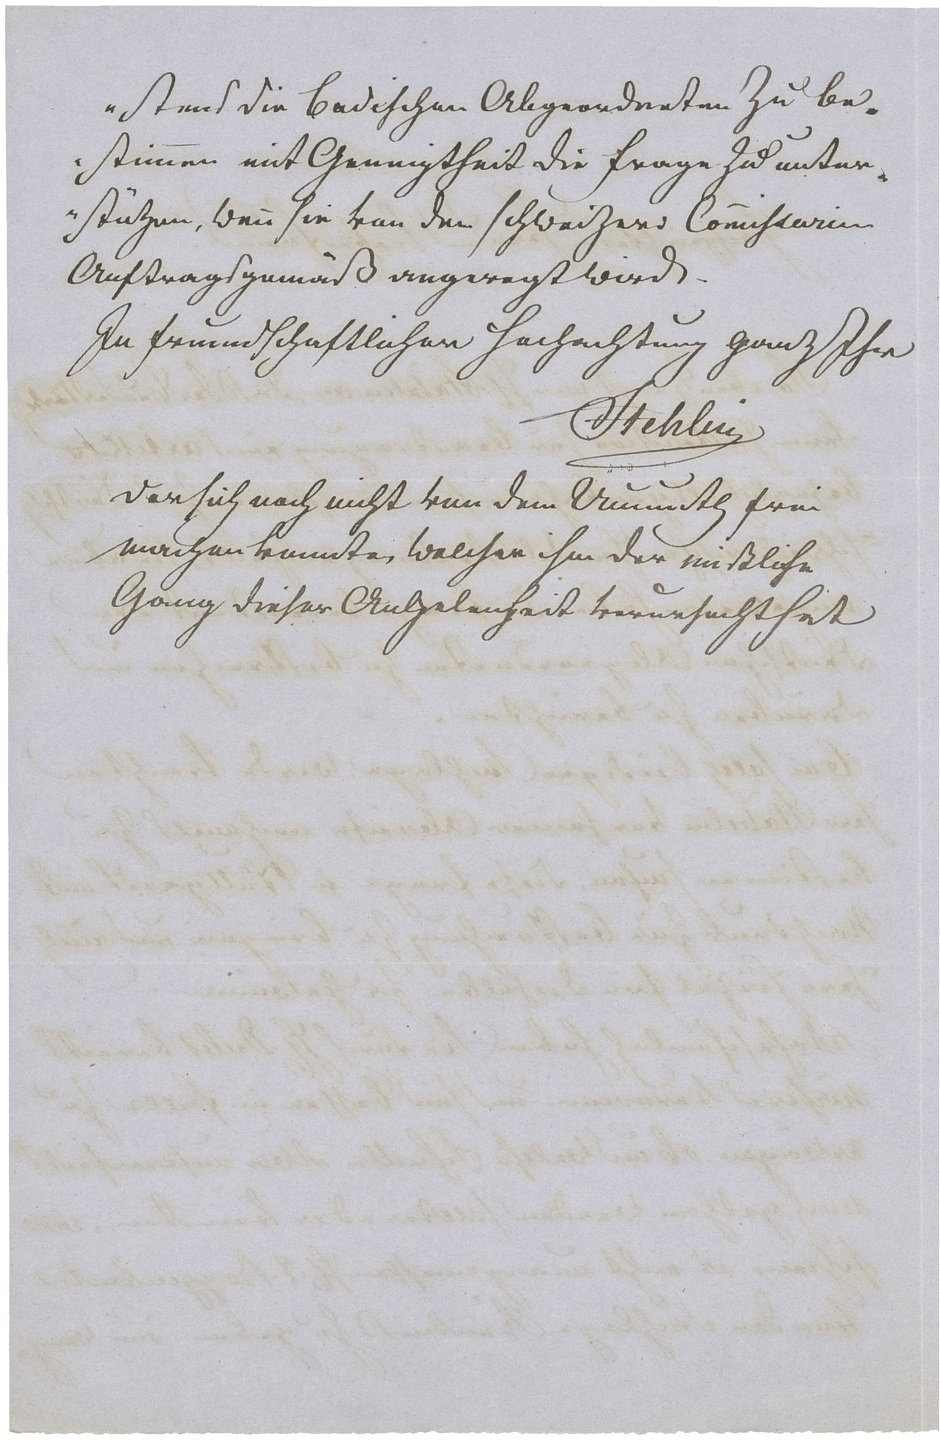stens die badischen Abgeordneten zu be-
stimmen mit Geneigtheit die Frage zu unter-
stützen, wenn sie von den schweizer. Commissarien
Auftragsgemäß angeregt wird.
In freundschaftlicher Hochachtung ganz Ihr
Stehlin
der sich noch nicht von dem Unmuth frei
machen konnte, welcher ihm der mißliche
Gang dieser Angelegenheit verursacht hat.